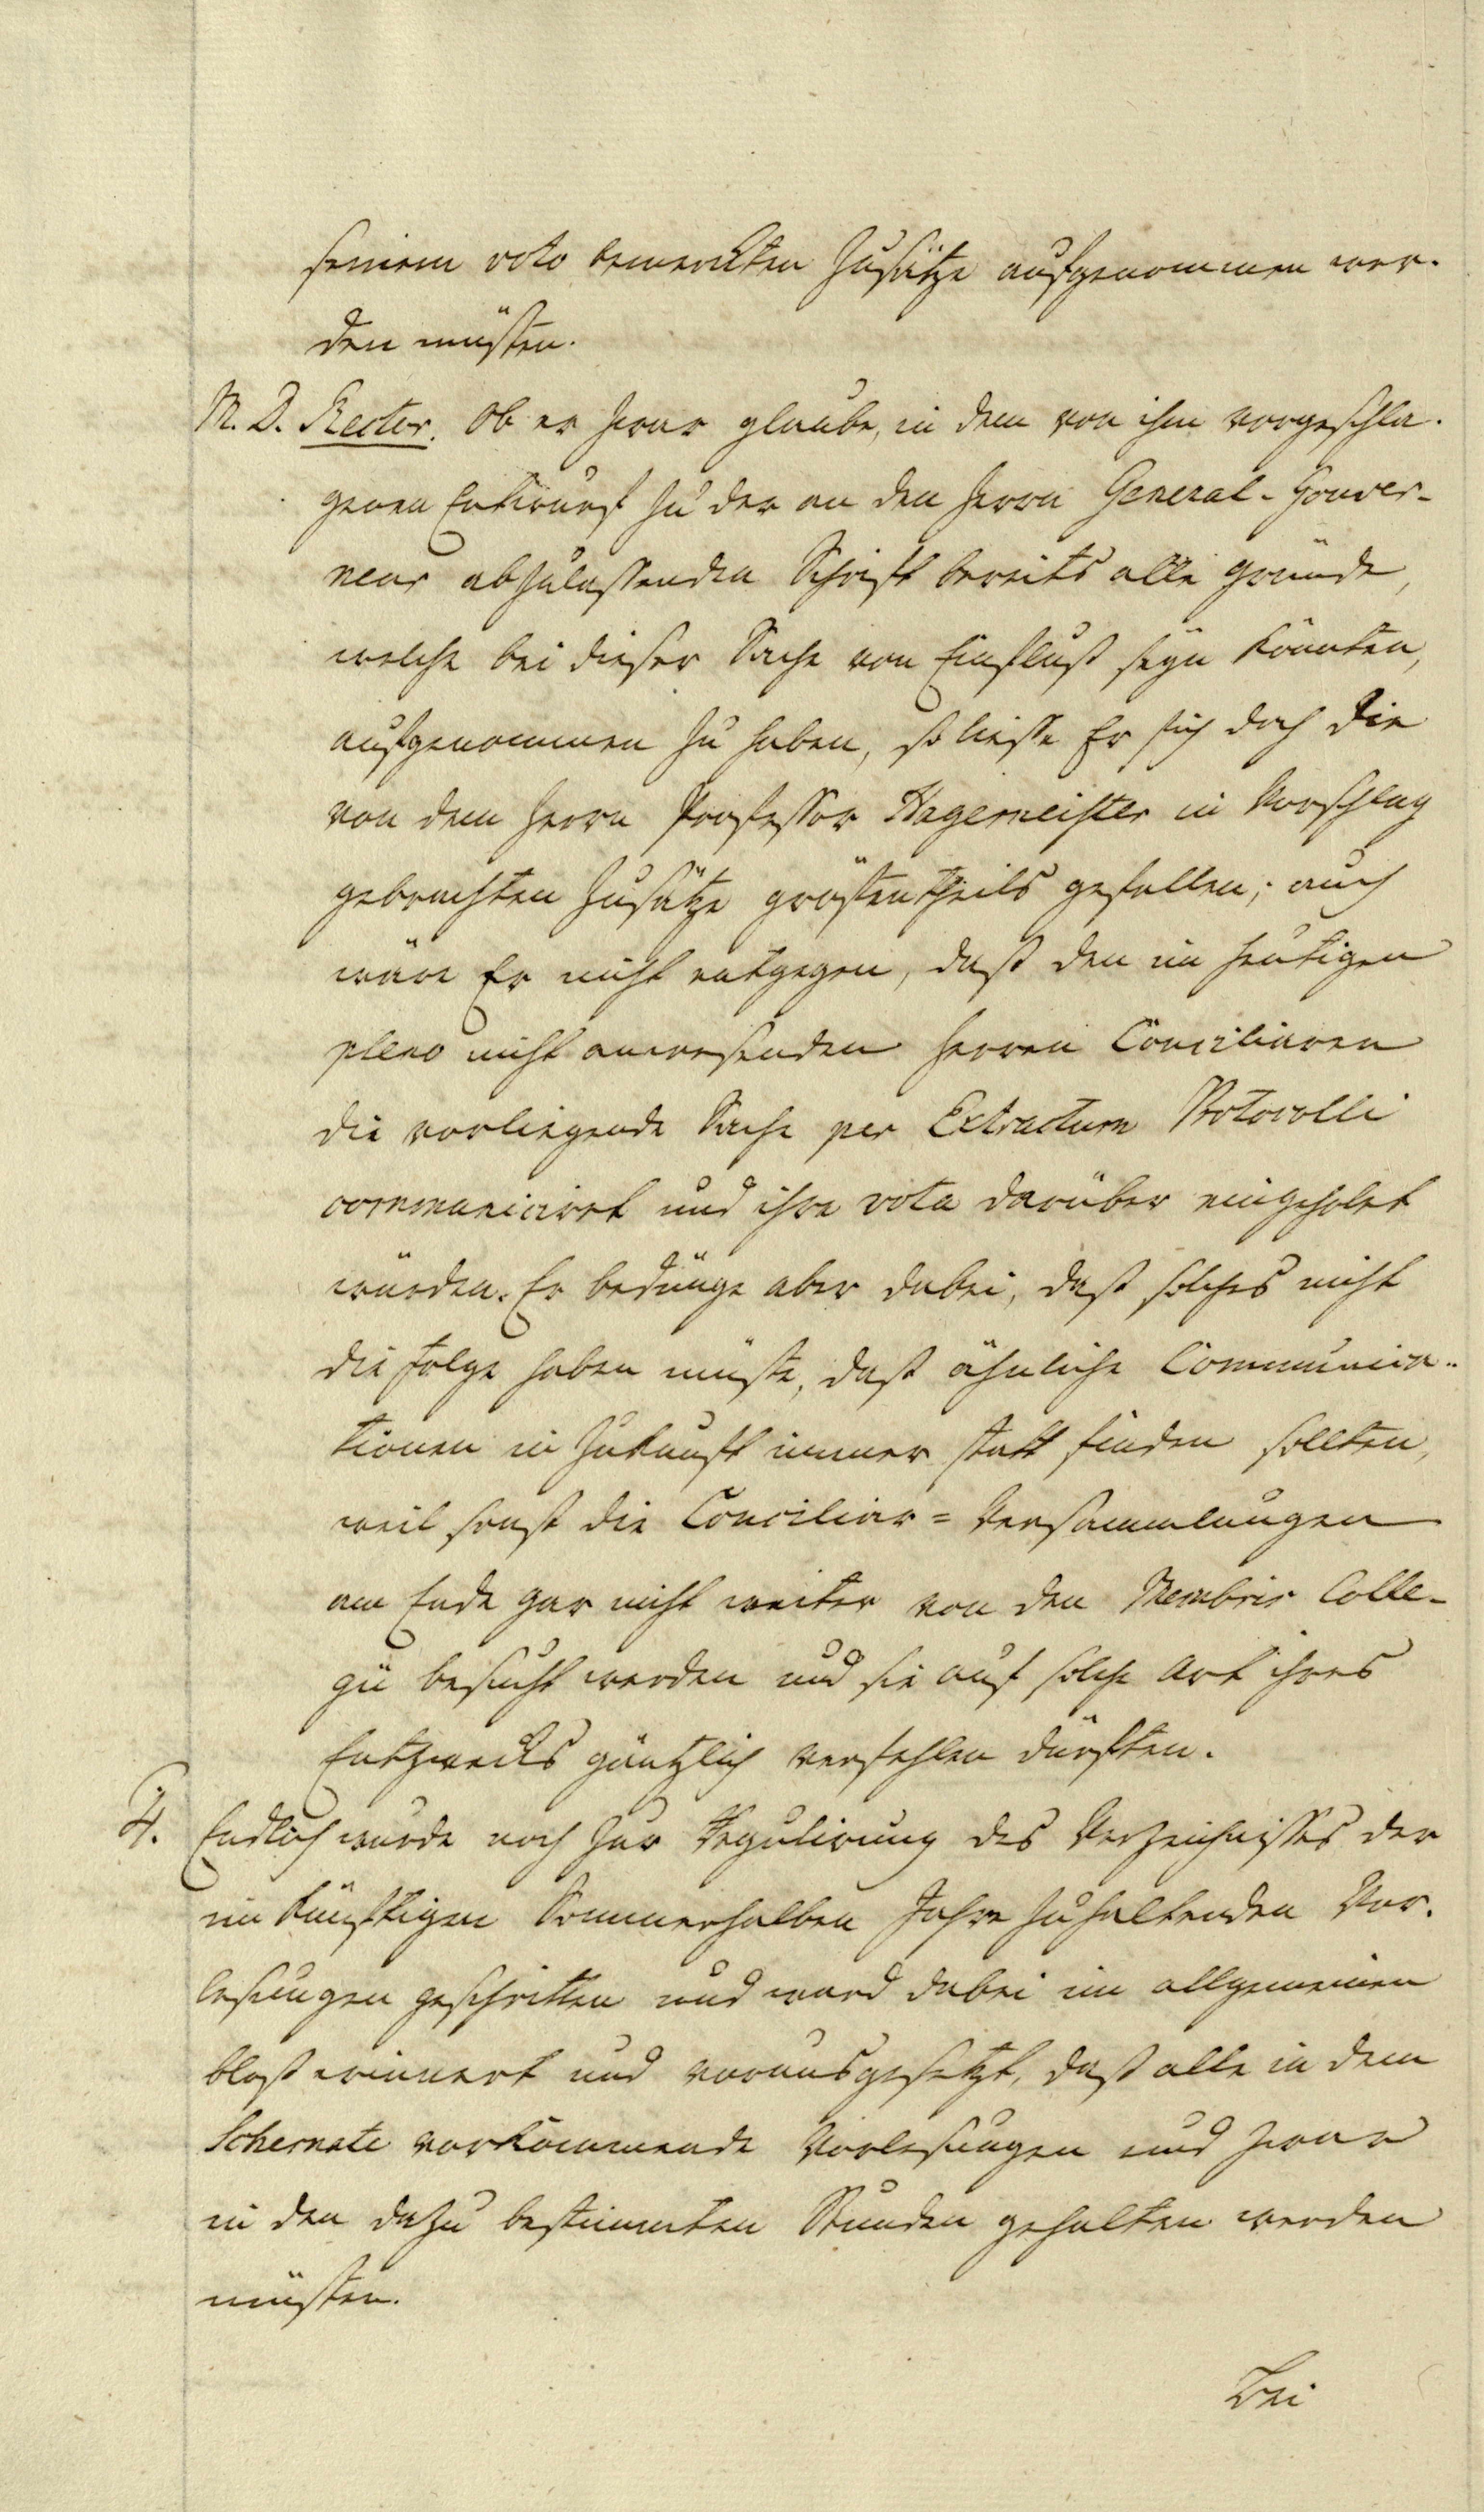seinem voto bemerckten Zusätze aufgenommen wer¬
den müßten.
M. D. Rector. Ob er zwar glaube, in dem von ihm vorgeschla-
genen Entwurf zu der an den Herrn General- Gouver¬
neur abzulassenden Schrift bereits alle Gründe,
welche bei dieser Sache von Einfluß seÿn könnten,
aufgenommen zu haben, so liesse Er sich doch die
von dem Herrn Professor Hagemeister in Vorschlag
gebrachten Zusätze gröstentheils gefallen; auch
wäre Er nicht entgegen, daß den im heutigen
pleno nicht anwesenden Herren Conciliaren
die vorliegende Sache per Extractum Protocolli
communiciret und ihre vota darüber eingeholet
würden. Er bedünge aber dabei, daß solches nicht
die Folge haben müßte, daß ähnliche Communica¬
tionen in Zukunft immer statt finden sollten,
weil sonst die Conciliar- Versammlungen
am Ende gar nicht weiter von den Membris Colle¬
gii besucht werden und sie auf solche Art ihres
Entzwecks gäntzlich verfehlen dürften.
4. Endlich wurde noch zur Regulirung des Verzeichnisses der
im künftigen Sommerhalben Jahre zu haltenden Vor¬
lesungen geschritten und ward dabei im allgemeinen
bloß erinnert und vorausgesetzt, daß alle in dem
Schemati vorkommende Vorlesungen und zwar
in den dazu bestimmten Stunden gehalten werden
müsten
Bei